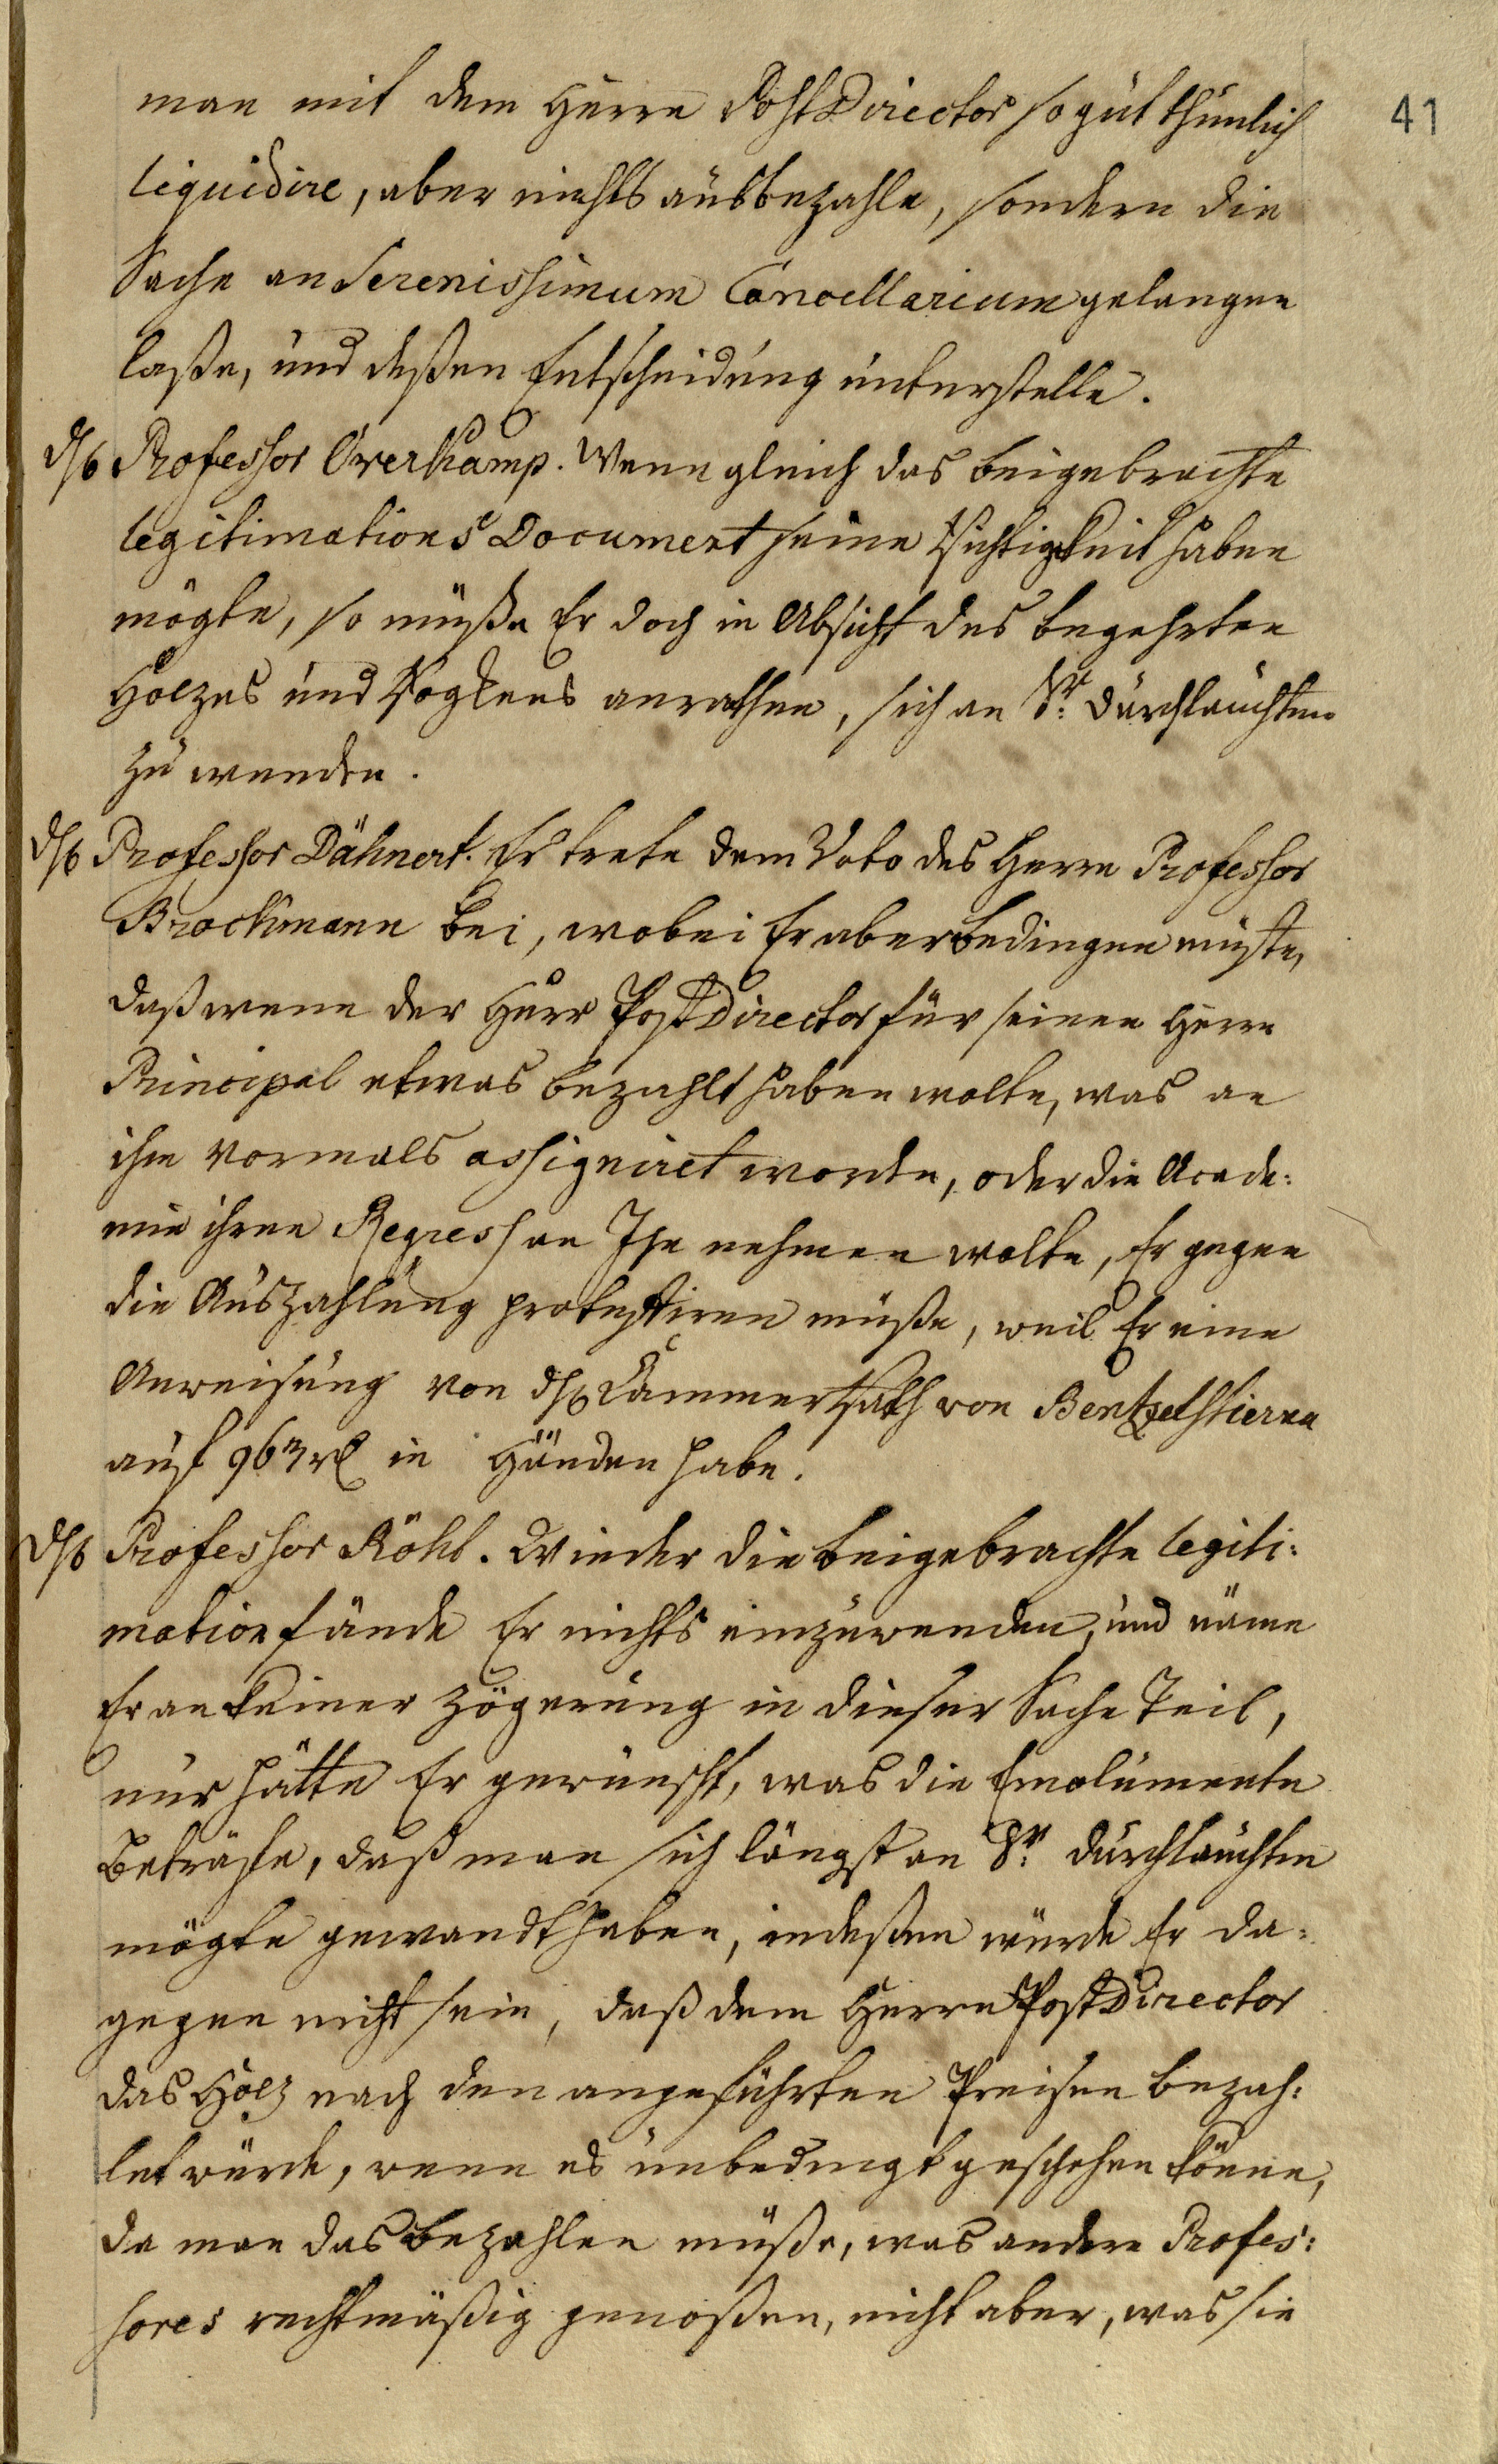man mit dem Herrn PostDirector so gut thunlich
liquidire, aber nichts ausbezahle, sondern die
Sache an Serenissimum Cancellarium gelangen
laße, und deßen Entscheidung unterstelle.
dh Professor Overkamp. Wenn gleich das beigebrachte
legitimations Document seine Richtigkeit haben
mögte, so müße Er doch in Absicht des begehrten
Holzes und Rogkens anrathen, sich an Sr. Durchlauchten
zu wenden.
dh Professor Dähnert. Er trete dem Voto des Herrn Professor
Brockmann bei, wobei Er aber bedingen müste,
daß wenn der Herr Postdirector für seinen Herrn
Principal etwas bezahlt haben wolte, was an
ihm vormals assigniret worden, oder die Acade¬
mie ihren Regress an Ihn nehmen wolte, Er gegen
die Auszahlung protestiren müße, weil Er eine
Anweisung von dh. CammertRath von Bentzelstierna
auf 963 rt. in Händen habe.
dh Professor Röhl. Wieder die beigebrachte legiti¬
mation fände Er nichts einzuwenden und näme
Er an keiner Zögerung im dieser Sache Teil,
nur hätte Er gewünscht, was die Emolumente
beträfe, daß man sich längst an Sr Durchlauchten
mögte gewandt haben, indessen würde Er da¬
gegen nicht sein, daß dem Herrn PostDirector
das Holz nach den angeführten Preisen bezah¬
let würde, wenn es unbedingt geschehen könne,
Da man das bezahlen müße, was andere Profes¬
sores rechtmäßig genoßen, nicht aber, was sie